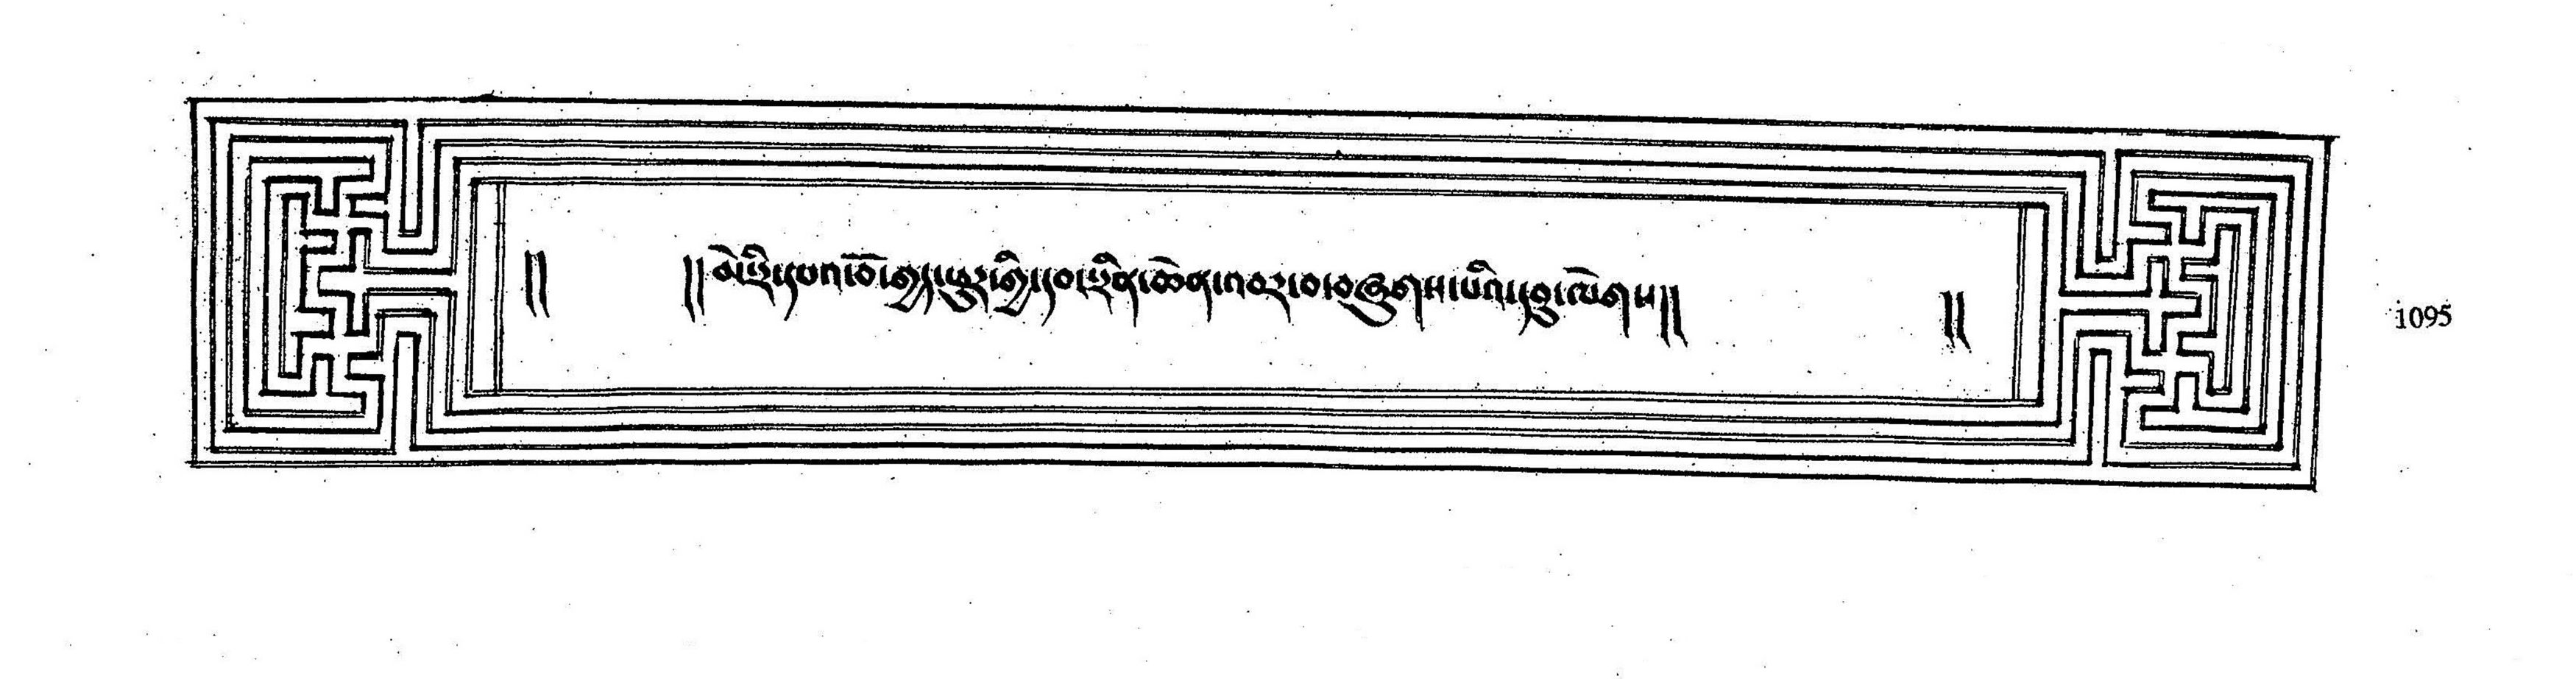{1113}།། མེ་རི་དཔའ་བོ་གྱད་ཕུར་གྱི་དབང་རིན་ཆེན་འབར་བ་བཞུགས་པའི་དབུ་ལེགས།།